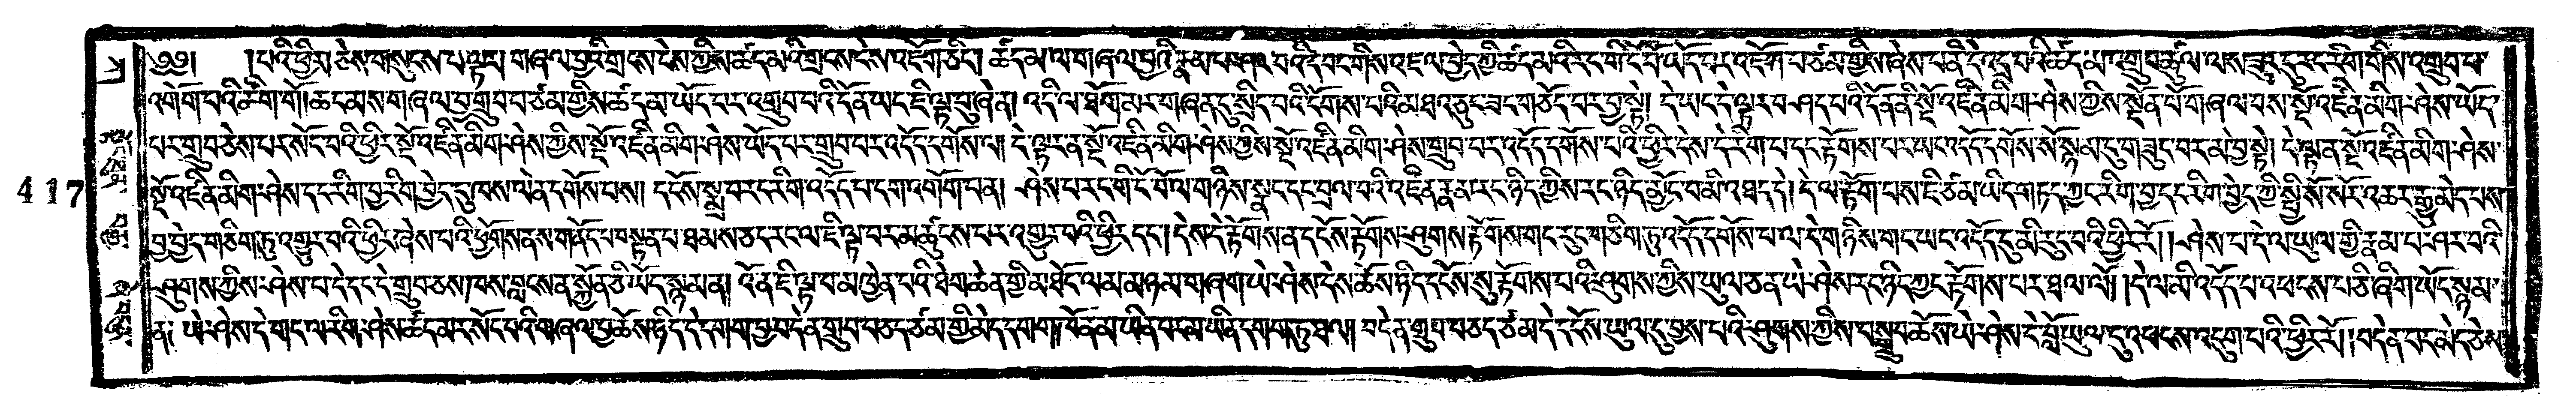༄༅། །བའི་ཕྱིར། ཅེས་གསུངས་པ་ལྟར། གཞལ་བྱའི་གྲངས་ངེས་ཀྱིས་ཚད་མའི་གྲངས་ངེས་འཇོག་ཅིང་། ཚད་མ་ལ་གཞལ་བྱའི་རྣམ་པ་ཤར་བའི་དབང་གིས་འཇལ་བྱེད་ཀྱི་ཚད་མའི་རང་གི་ངོ་བོ་ཡོད་པར་འཇོག་པ་ཙམ་གྱིས་ཞེས་པ་ནི་དེ་འདྲ་བའི་ཚད་མ་འགྲུབ་ཚུལ་ལས་ཟུང་དུ་རང་རིག་གིས་འགྲུབ་པ་
འགོག་པའི་ཚིག་གོ། ཆད་མས་གཞལ་བྱ་གྲུབ་པ་ཙམ་གྱིས་ཚད་མ་ཡོད་པར་འགྲུབ་བའི་དོན་ཡང་ཇི་ལྟ་བུ་ཞེ་ན། འདི་ལ་ཐོག་མར་གཞན་དུ་སྲིད་པའི་དོགས་པའི་མཐའ་ཅུང་ཟད་གཅོད་པར་བྱ་སྟེ། དེ་ཡང་དེ་ལྟར་བཤད་པའི་དོན་ནི་སྔོ་འཛིན་མིག་ཤེས་ཀྱིས་སྔོན་པོ་གཞལ་བས་སྡོ་འཛིན་མིག་ཤེས་ཡོད་
པར་གྲུབ་ཅེས་པར་སོང་བའི་ཕྱིར་སྔོ་འཛིན་མིག་ཤེས་ཀྱིས་སྡོ་འཛིན་མིག་ཤེས་ཡོད་པར་གྲུབ་པར་འདོད་དགོས་ལ། དེ་ལྟར་ན་སྔོ་འཛིན་མིག་ཤེས་ཀྱིས་སྡོ་འཛིན་མིག་ཤེས་གྲུབ་པར་འདོད་དགོས་པའི་ཕྱིར་ངེས་ད་རིག་པ་དང་རྟོགས་པར་ཡང་འདོད་དགོས་སོ་སྙམ་དུ་གཟུང་བར་མེ་བྱ་སྟེ། དེ་ལྟ་ན་སྔོ་འཛིན་མིག་ཤེས་
སྔོ་འཛིན་མིག་ཤེས་དང་རིག་བྱ་རིག་བྱེད་དུ་ཁས་ལན་དགོས་པས། དངོས་སྨྲ་བ་རང་རིག་འདོད་པ་དག་འགོག་པ་ན། ཤེས་པ་རང་གི་ངོ་བོ་ལ་གཉིས་སྣང་དང་བྲལ་བའི་འཛིན་རྣམ་རང་ཉིད་ཀྱིས་རང་ཉིད་མྱོང་པ་མི་འཐད་དེ། དེ་ལ་རྟོག་པས་ཇི་ཙམ་ཡིད་གཏད་ཀྱང་རིག་བྱ་དང་རིག་བྱེད་ཀྱི་སྤྱི་སོ་སོར་འཆར་རྒྱུ་མེད་པས་
བྱ་བྱེད་གཅིག་ཏུ་འགྱུར་བའི་ཕྱིར་ཞེས་པའི་ཕྱོགས་ནས་གནོད་པ་བསྟན་པ་ཐམས་ཅད་རང་ལ་ཇི་ལྟ་བར་མཚུངས་པར་འགྱུར་བའི་ཕྱིར་དང་། དེས་དེ་རྟོགས་ན་དངོས་རྟོགས་ཤུགས་རྟོགས་གང་རུང་གཅིག་ཏུ་འདོད་དགོས་པ་ལ་དེ་གཉིས་གང་ཡང་འདོད་དུ་མི་རུང་བའི་ཕྱིར་རོ། །ཤེས་པ་དེ་ལ་ཡུལ་གྱི་རྣམ་པ་ཤར་བའི་
ཤུགས་ཀྱིས་ཤེས་བ་དེ་དང་དེ་གྲུབ་ཅེས་ཁས་བླངས་ན་སྐྱོན་ཅི་ཡོད་སྙམ་ན། འོ་ན་ཇི་ལྟ་བ་མཁྱེན་པའི་ཐེག་ཆེན་གྱི་མཐོང་ལམ་མཉམ་གཞག་ཡེ་ཤེས་དེས་ཆོས་ཉིད་དངོས་སུ་རྟོགས་པའི་ཤུགས་ཀྱིས་ཡུལ་ཅན་ཡེ་ཤེས་རང་ཉིད་ཀྱང་རྟོགས་པར་ཐལ་ལོ། །དེ་ལ་མི་འདོད་པ་འཕངས་པ་ཅི་ཞིག་ཡོད་སྙམ་
ན༑ ཡེ་ཤེས་དེ་གང་ལ་རིག་ཤེས་ཚད་མར་སོང་བའི་གཞལ་བྱ་ཆོས་ཉིད་དེ་དགག་བྱ་བདེན་གྲུབ་བཅད་ཙམ་གྱི་མེད་དགག་ཁོ་ན་མ་ཡིན་པར་མ་ཡིན་དགག་ཏུ་ཐལ། བདེན་གྲུབ་བཅད་ཙམ་དེ་དངོས་ཡུལ་དུ་བྱས་པའི་ཤུགས་ཀྱིས་བསྒྲུབ་ཆོས་ཡེ་ཤེས་དེ་བློ་ཡུལ་དུ་འཕངས་འདུག་པའི་ཕྱིར་རོ། །བདེན་པར་མེད་ཅེས་